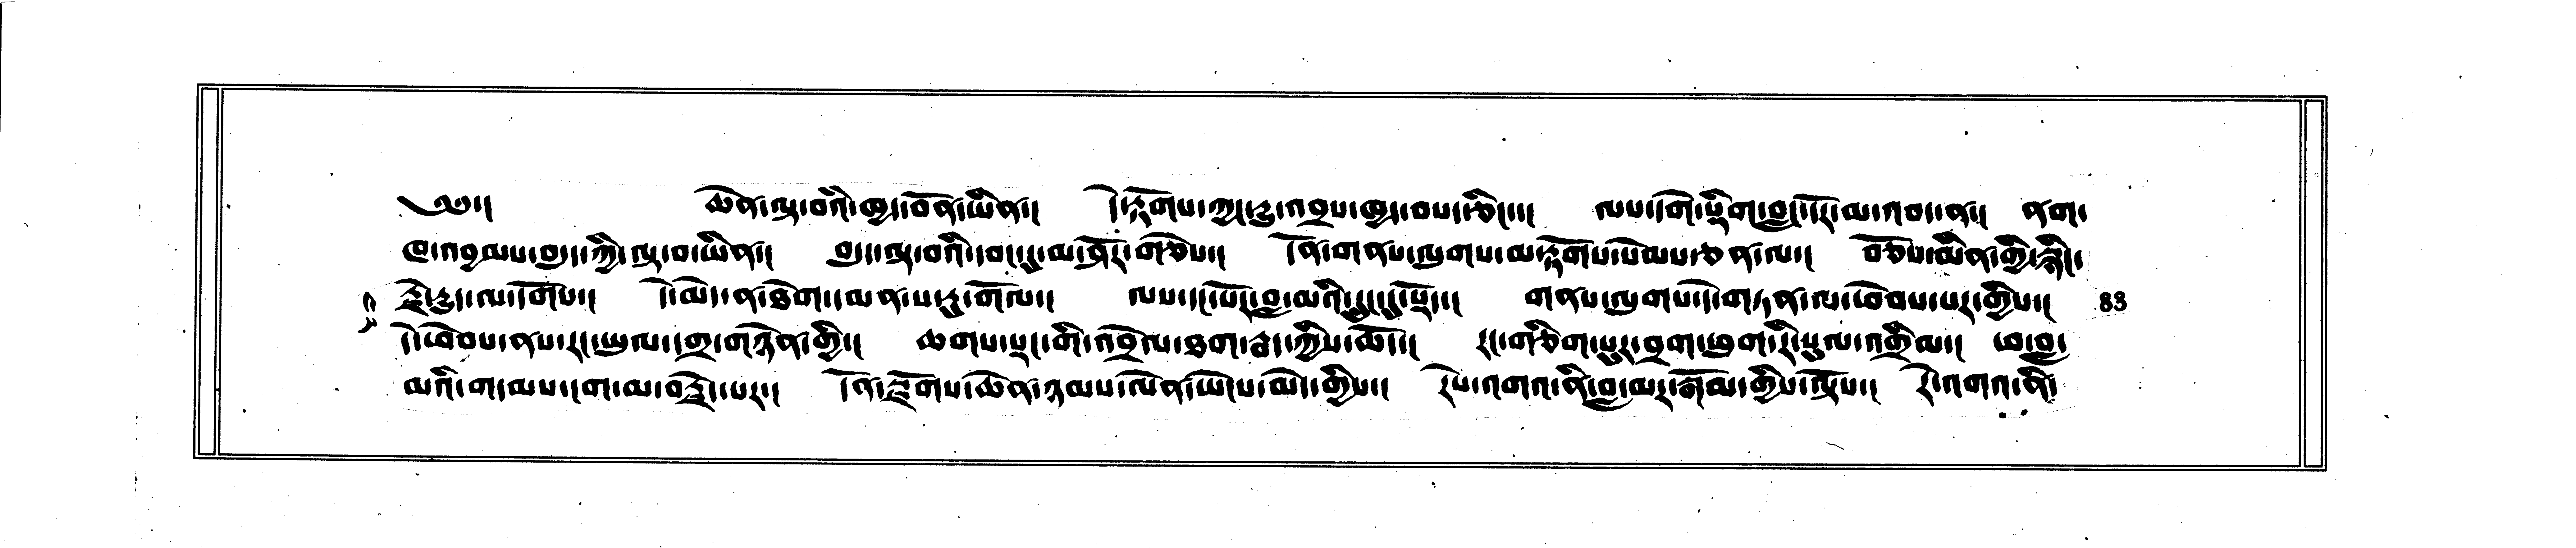ཆེན་ལྟ་བའི་ཁྱད་བོན་ཡིན། །དེ་རྟོགས་ཀྱང་རྒྱུ་འབྲས་ཁྱད་བསད་ཅིང་། །ལས་དགེ་སྡིག་བླང་དོར་མ་འབད་ན། །ནག་
ཁ་འབྱམས་བདུད་ཀྱི་ལྟ་བ་ཡིན། །བདུད་ལྟ་བའི་དབང་དུ་མ་ཤོར་གཅེས། །དོན་གནས་ལུགས་མ་རྟོགས་སེམས་ཅན་ལ། །བཅོས་མིན་གྱི་སྙིང་
རྗེ་རྒྱུད་ལ་དགོས། །དེ་མེད་ན་ཐེག་དམན་ས་རུ་གོལ། །ལས་དང་པོ་བླ་མའི་དྲུང་དུ་སྡོད། །གནས་ལུགས་དེ་གཏན་ལ་ཕེབས་པར་གྱིས། །
དེ་ཕེབས་ནས་རང་ཡུལ་དགྲ་གཉེན་གྱི། །ཆགས་སྡང་གི་འབྲེལ་ཐག་རྦད་ཀྱིས་ཆོད། །རང་གཅིག་པུར་བྲག་ཕུག་རི་སུལ་འགྲིམས། །ཕ་བླ་
མའི་གདམས་ངག་མ་བརྗེད་པར། །དོན་རྫོགས་ཆེན་ཉམས་ལེན་ཡེངས་མེད་གྱིས། །རེས་འགའ་ནི་བླ་མར་སྒོམ་གྱིས་ལྟོས། །རེ་འགའ་ནི་